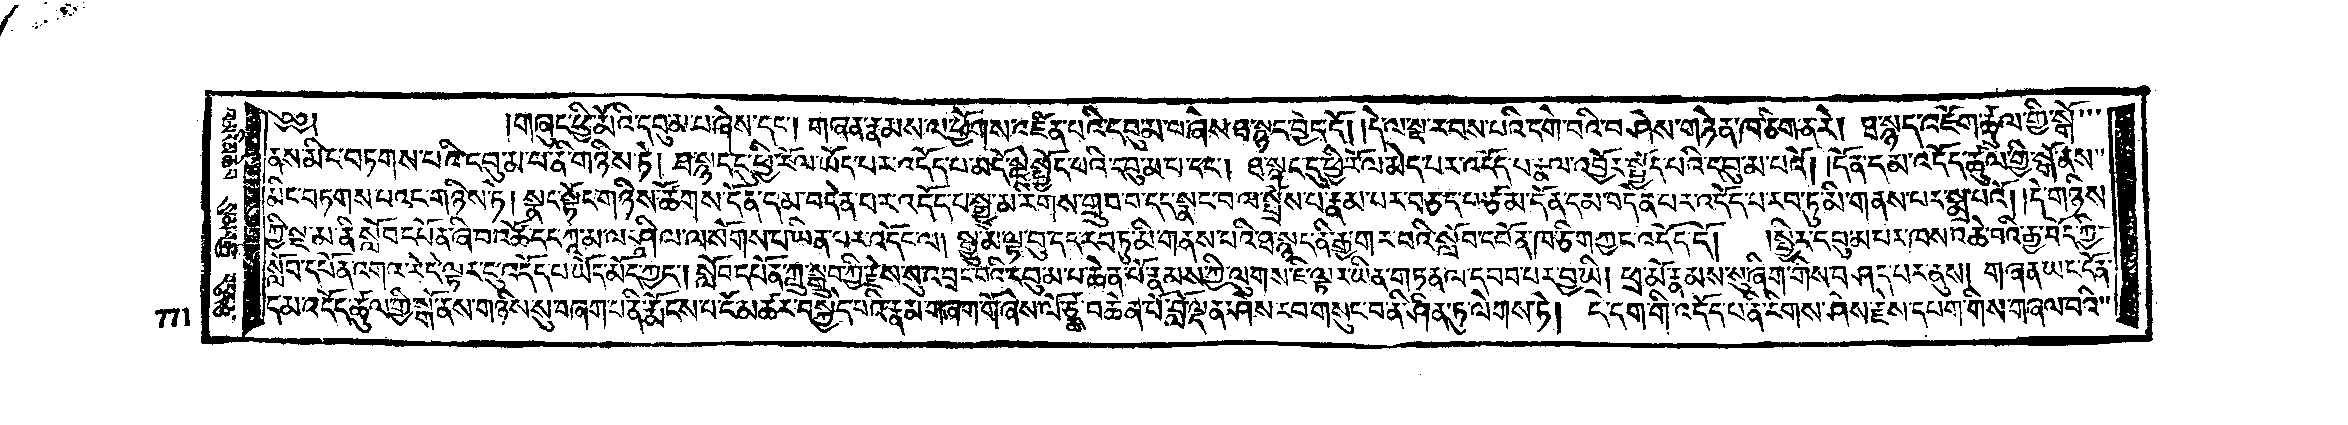༄༅། །གཞུང་ཕྱི་མོའི་དབུ་མ་པ་ཞེས་དང་། གཞན་རྣམས་ལ་ཕྱོགས་འཛིན་པའི་དབུ་མ་པ་ཞེས་ཐ་སྙད་བྱེད་དོ། །དེ་ལ་སྔ་རབས་པའི་དགེ་བའི་བཤེས་གཉེན་ཁ་ཅིག་ན་རེ། ཐ་སྙད་འཇོག་ཚུལ་གྱི་སྒོ་
ནས་མིང་བཏགས་པའི་དབུ་མ་པ་ནི་གཉིས་ཏེ། ཐ་སྙད་དུ་ཕྱི་རོལ་ཡོད་པར་འདོད་པ་མདོ་སྡེ་སྤྱོད་པའི་དབུ་མ་པ་དང་། ཐ་སྙད་དུ་ཕྱི་རོལ་མེད་པར་འདོད་པ་རྣལ་འབྱོར་སྤྱོད་པའི་དབུ་མ་པའོ། །དོན་དམ་འདོད་ཚུལ་གྱི་སྒོ་ནས་
མིང་བཏགས་པའང་གཉིས་ཏེ། སྣང་སྟོང་གཉིས་ཚོགས་དོན་དམ་བདེན་པར་འདོད་པ་སྒྱུ་མ་རིགས་གྲུབ་པ་དང་སྣང་བ་ལ་སྤྲོས་པ་རྣམ་པར་བཅད་པ་ཙམ་དོན་དམ་བདེན་པར་འདོད་པ་རབ་ཏུ་མི་གནས་པར་སྨྲ་བའོ། །དེ་གཉིས་
ཀྱི་སྔ་མ་ནི་སློབ་དཔོན་ཞི་བ་འཚོ་དང་ཀཱ་མ་ལ་ཤཱི་ལ་ལ་སོགས་པ་ཡིན་པར་འདོད་ལ། སྒྱུ་མ་ལྟ་བུ་དང་རབ་ཏུ་མི་གནས་པའི་ཐ་སྙད་ནི་རྒྱ་གར་བའི་སློབ་དཔོན་ཁ་ཅིག་ཀྱང་འདོད་དོ། །སྤྱིར་དབུ་མ་པར་ཁས་འཆེ་བའི་རྒྱ་བོད་ཀྱི་
སློབ་དཔོན་འགའ་རེ་དེ་ལྟར་དུ་འདོད་པ་ཡོད་མོད་ཀྱང་། སློབ་དཔོན་ཀླུ་སྒྲུབ་ཀྱི་རྗེས་སུ་འབྲང་བའི་དབུ་མ་པ་ཆེན་པོ་རྣམས་ཀྱི་ལུགས་ཇི་ལྟར་ཡིན་གཏན་ལ་དབབ་པར་བྱ་ཡི། ཕྲ་མོ་རྣམས་སུ་ཞིག་གིས་བཤད་པར་ནུས། གཞན་ཡང་དོན་
དམ་འདོད་ཚུལ་གྱི་སྒོ་ནས་གཉིས་སུ་བཞག་པ་ནི་རྨོངས་པ་དེ་མཚར་བསྐྱེད་པའི་རྣམ་གཞག་གོ་ཞེས་ལོ་ཙྪ་?་བ་ཆེན་པོ་བློ་ལྡན་ཤེས་རབ་གསུང་བ་ནི་ཤིན་?་ཏུ་ལེགས་ཏེ། དེ་དག་གི་འདོད་པ་ནི་རིགས་ཤེས་རྗེས་དཔག་གིས་གཞལ་བའི་